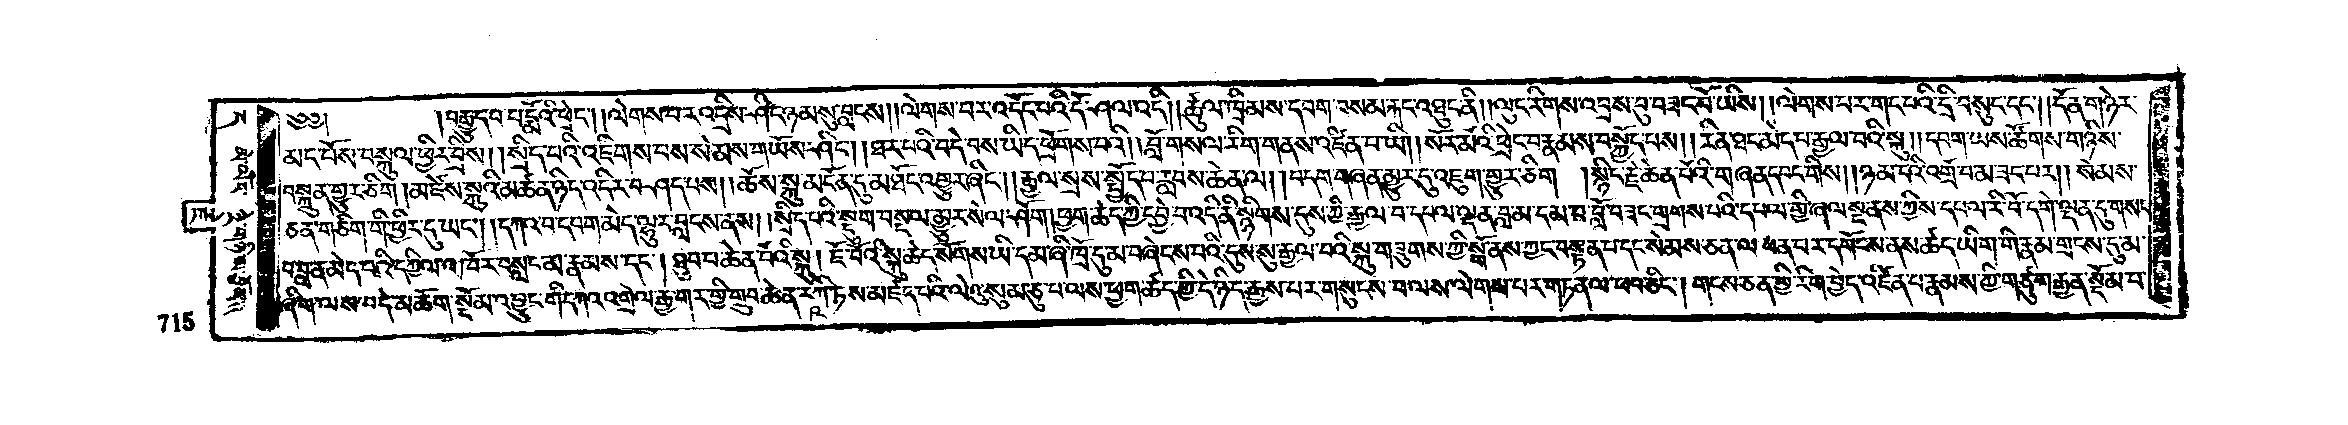༄༅། །བརྒྱུད་པ་པདམོའི་ཕྲེང་། །ལེགས་པར་འདྲིས་ཤིང་ཉམས་སུ་བླངས། །ལེགས་པར་འདོང་པའི་དོ་ཤལ་འདི། །ཚུལ་ཁྲིམས་དཔག་བསམ་རྐང་འཐུང་ནི། །ལུང་རིགས་འབྲས་བུ་བཟང་པོ་ཡིས། །ལེགས་པར་གང་བའི་དྲི་བསུང་དང་། །དོན་གཉེར་
མང་པོས་བསྐུལ་ཕྱིར་བྲིས། །སྲིད་པའི་འཇིགས་པས་སེམས་གཡོས་ཤིང་། །ཐར་པའི་བདེ་བས་ཡིད་ཕྲོགས་པའི། །བློ་གསལ་རིག་གནས་འཛིན་པ་ཡི། །སོར་མོའི་ཕྲེང་བ་རྣམས་བསྐྱོད་པས། །རིན་ཐང་མེད་པ་རྒྱལ་བའི་སྐུ། །དཔག་ཡས་ཚོགས་གཉིས་
བསྐྲུན་གྱུར་ཅིག །མཛེས་སྐུའི་མཚན་ཉིད་འདིར་བཤད་པས། །ཆོས་སྐུ་མངོན་དུ་མཐོང་འགྱུར་ཞིང་། །རྒྱལ་སྲས་སྤྱོད་པ་རླབས་ཆེན་ལ། །བདག་གཞན་མྱུར་དུ་འཇུག་གྱུར་ཅིག །སྙིང་རྗེ་ཆེན་པོའི་གཞན་དབང་གིས། །ཉམ་དའི་འགྲོ་བ་མ་ཟད་པར། །སེམས་
ཅན་གཅིག་གི་ཕྱིར་དུ་ཡང་། །དཀའ་བ་དཔག་མེད་ལྷུར་བླངས་ནས། །སྲིད་པའི་སྡུག་བསྔལ་མྱུར་སེལ་ཤོག །ཕྱག་ཆེན་གྱི་དབྱེ་བ་འདི་ནི་སྙིགས་དུས་ཀྱི་རྒྱལ་བ་དཔལ་ལྡན་བླ་མ་དམ་པ་བློ་བཟང་གྲགས་པའི་དཔལ་གྱི་ཞལ་སྔ་ནས་ཀྱིས་དཔལ་རི་བོ་དགེ་ལྡན་དུ་གསང་
བ་བླ་ན་མེད་པའི་དཀྱིལ་འཁོར་བསླང་མ་རྣམས་དང་།ཐུབ་པ་ཆེན་པོའི་སྐུ། ཇོ་བོའི་སྐུ་ཆེད་སོགས་ཡི་དམ་ཞི་ཁྲོ་དུ་མ་བཞེངས་པའི་དུས་སུ་རྒྱལ་བའི་སྐུ་གཟུགས་ཀྱི་སྒོ་ནས་ཀྱང་བསྟན་པ་དང་སེམས་ཅན་ལ་ཕན་པར་དགོངས་ནས་ཚད་ཡིག་གི་རྣམ་གྲངས་དུ་མ་
ཞིག་ལས་བདེ་མཆོག་སྔོམ་འབྱུང་གི་དཀའ་འགྲེལ་རྒྱ་གར་གྱི་གྲུབ་ཆེན་རཀྵི་ཏས་མཛད་པའི་ལེའུ་སུམ་ཅུ་པ་ལས་ཕྱག་ཚད་གྱི་དེ་ཉིད་རྒྱས་པར་གསུངས་པ་ལས་ལེགས་པར་གཏན་ལ་ཕབ་ཅིང་། གངས་ཅན་གྱི་རིག་བྱེད་འཛིན་པ་རྣམས་ཀྱི་གཙུག་རྒྱན་སྡོམ་པ་